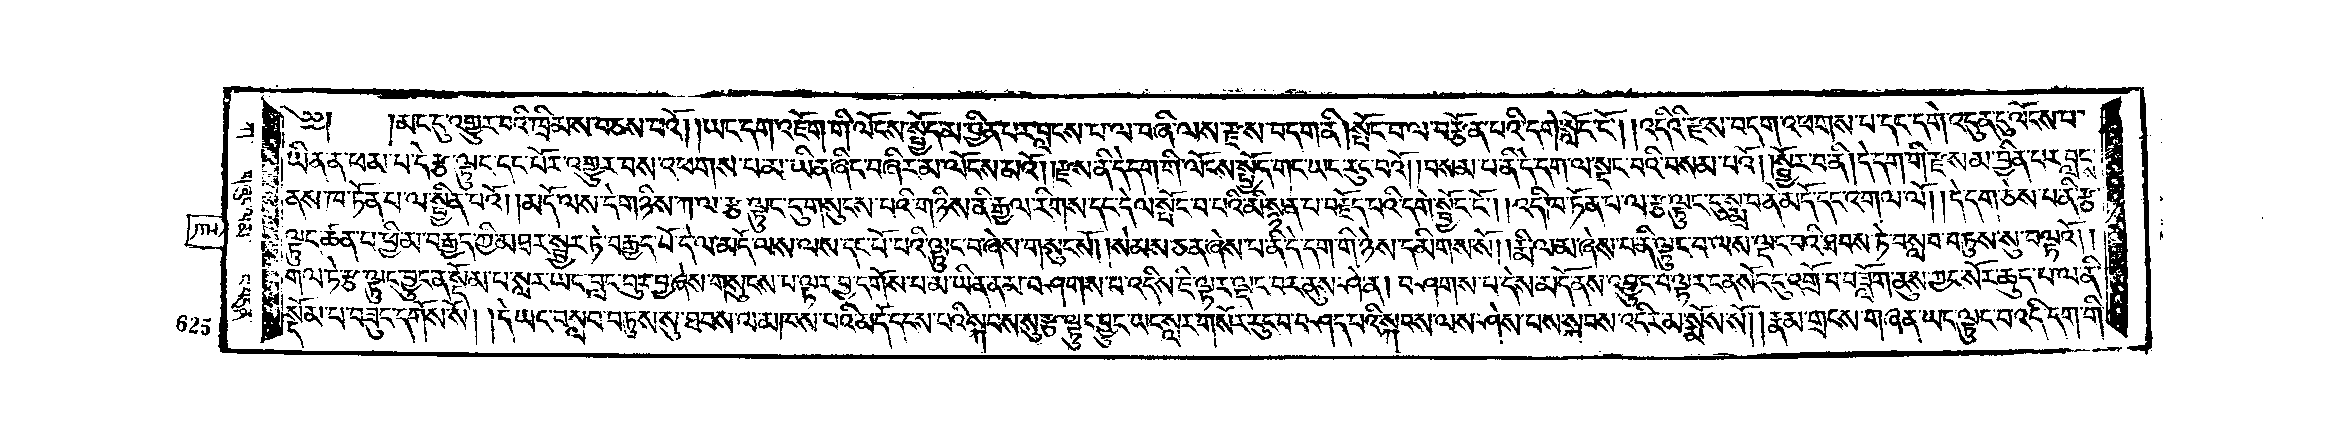༄༅། །མང་དུ་འགྱུར་བའི་ཁྲིམས་བཅས་པའོ། །ཡང་དག་འཇོག་གི་ལོངས་སྤྱོད་མ་བྱིན་པར་བླངས་པ་ལ་བཞི་ལས་རྫས་བདག་ནི། སྤོང་བ་ལ་བརྩོན་པའི་དགེ་སློང་ངོ། །འདིའི་རྫས་བདག་འཕགས་པ་དང་དགེ་འདུན་དུ་ལོངས་པ་
ཡིན་ན་ཕམ་པ་དེ་རྩ་ལྟུང་དང་པོར་འགྱུར་བས་འཕགས་པ་མ་ཡིན་ཞིང་བཞིར་མ་ལོངས་མའོ། །རྫས་ནི་དེ་དག་གི་ལོངས་སྤྱོད་གང་ཡང་རུང་བའོ། །བསམ་པ་ནི་དེ་དག་ལ་སྡང་བའི་བསམ་པའོ། །སྦྱོར་བ་ནི། དེ་དག་གི་རྫས་མ་བྱིན་པར་བླངས་
ནས་ཁ་ཏོན་པ་ལ་སྦྱིན་པའོ། །མདོ་ལས་དེ་གཉིས་ཀ་ལ་རྩ་ལྟུང་དུ་གསུངས་པའི་གཉིས་ནི་རྒྱལ་རིགས་དང་དེ་ལ་སྤོང་བ་པའི་མི་སྙན་པ་བརྗོད་པའི་དགེ་སྦྱོང་ངོ། །འདི་ཁ་ཏོན་པ་ལ་རྩ་ལྟུང་དུ་སྨྲ་བ་ནི་མདོ་དང་འགལ་ལོ། །དེ་དག་ཅེས་པ་ནི་རྩ་
ལྟུང་ཚན་པ་ཕྱི་མ་བརྒྱད་ཀྱི་མཐར་སྦྱར་ཏེ་བརྒྱད་པོ་དེ་ལ་མདོ་ལས་ལས་དང་པོ་པའི་ལྟུང་བ་ཞེས་གསུངས་སོ། །སེམས་ཅན་ཞེས་པ་ནི་དེ་དག་གི་ཉེས་དམིགས་སོ། །རྨི་ལམ་ཞེས་པ་ནི་ལྟུང་བ་ལས་ལྡང་བའི་ཐབས་ཏེ་བསླབ་བཏུས་སུ་བལྟའོ། །
གལ་ཏེ་རྩ་ལྟུང་བྱུང་ན་སྡོམ་པ་སླར་ཡང་བླང་བུར་བྱ་ཞེས་གསུངས་པ་ལྟར་བྱ་དགོས་པ་མ་ཡིན་ནམ་བཤགས་པ་འདིས་ཇི་ལྟར་ལྡང་བར་ནུས་ཤེ་ན། བཤགས་པ་དེས་མདོ་ནས་འབྱུང་བ་ལྟར་ངན་སོང་དུ་འགྲོ་བ་བཟློག་ནུས་ཀྱང་སོར་ཆུད་པ་ལ་ནི་
སྡོམ་པ་བཟུང་དགོས་སོ། །དེ་ཡང་བསླབ་བཏུས་སུ་ཐབས་ལ་མཁས་པའི་མདོ་དངས་པའི་སྐབས་སུ་རྩ་ལྟུང་བྱུང་ཡང་སླར་གསོར་རུང་བ་བཤད་པའི་སྐབས་ལས་ཤེས་པས་སྐབས་འདིར་མ་སྨོས་སོ། །རྣམ་གྲངས་གཞན་ཡང་ལྟུང་བ་འདི་དག་གི་